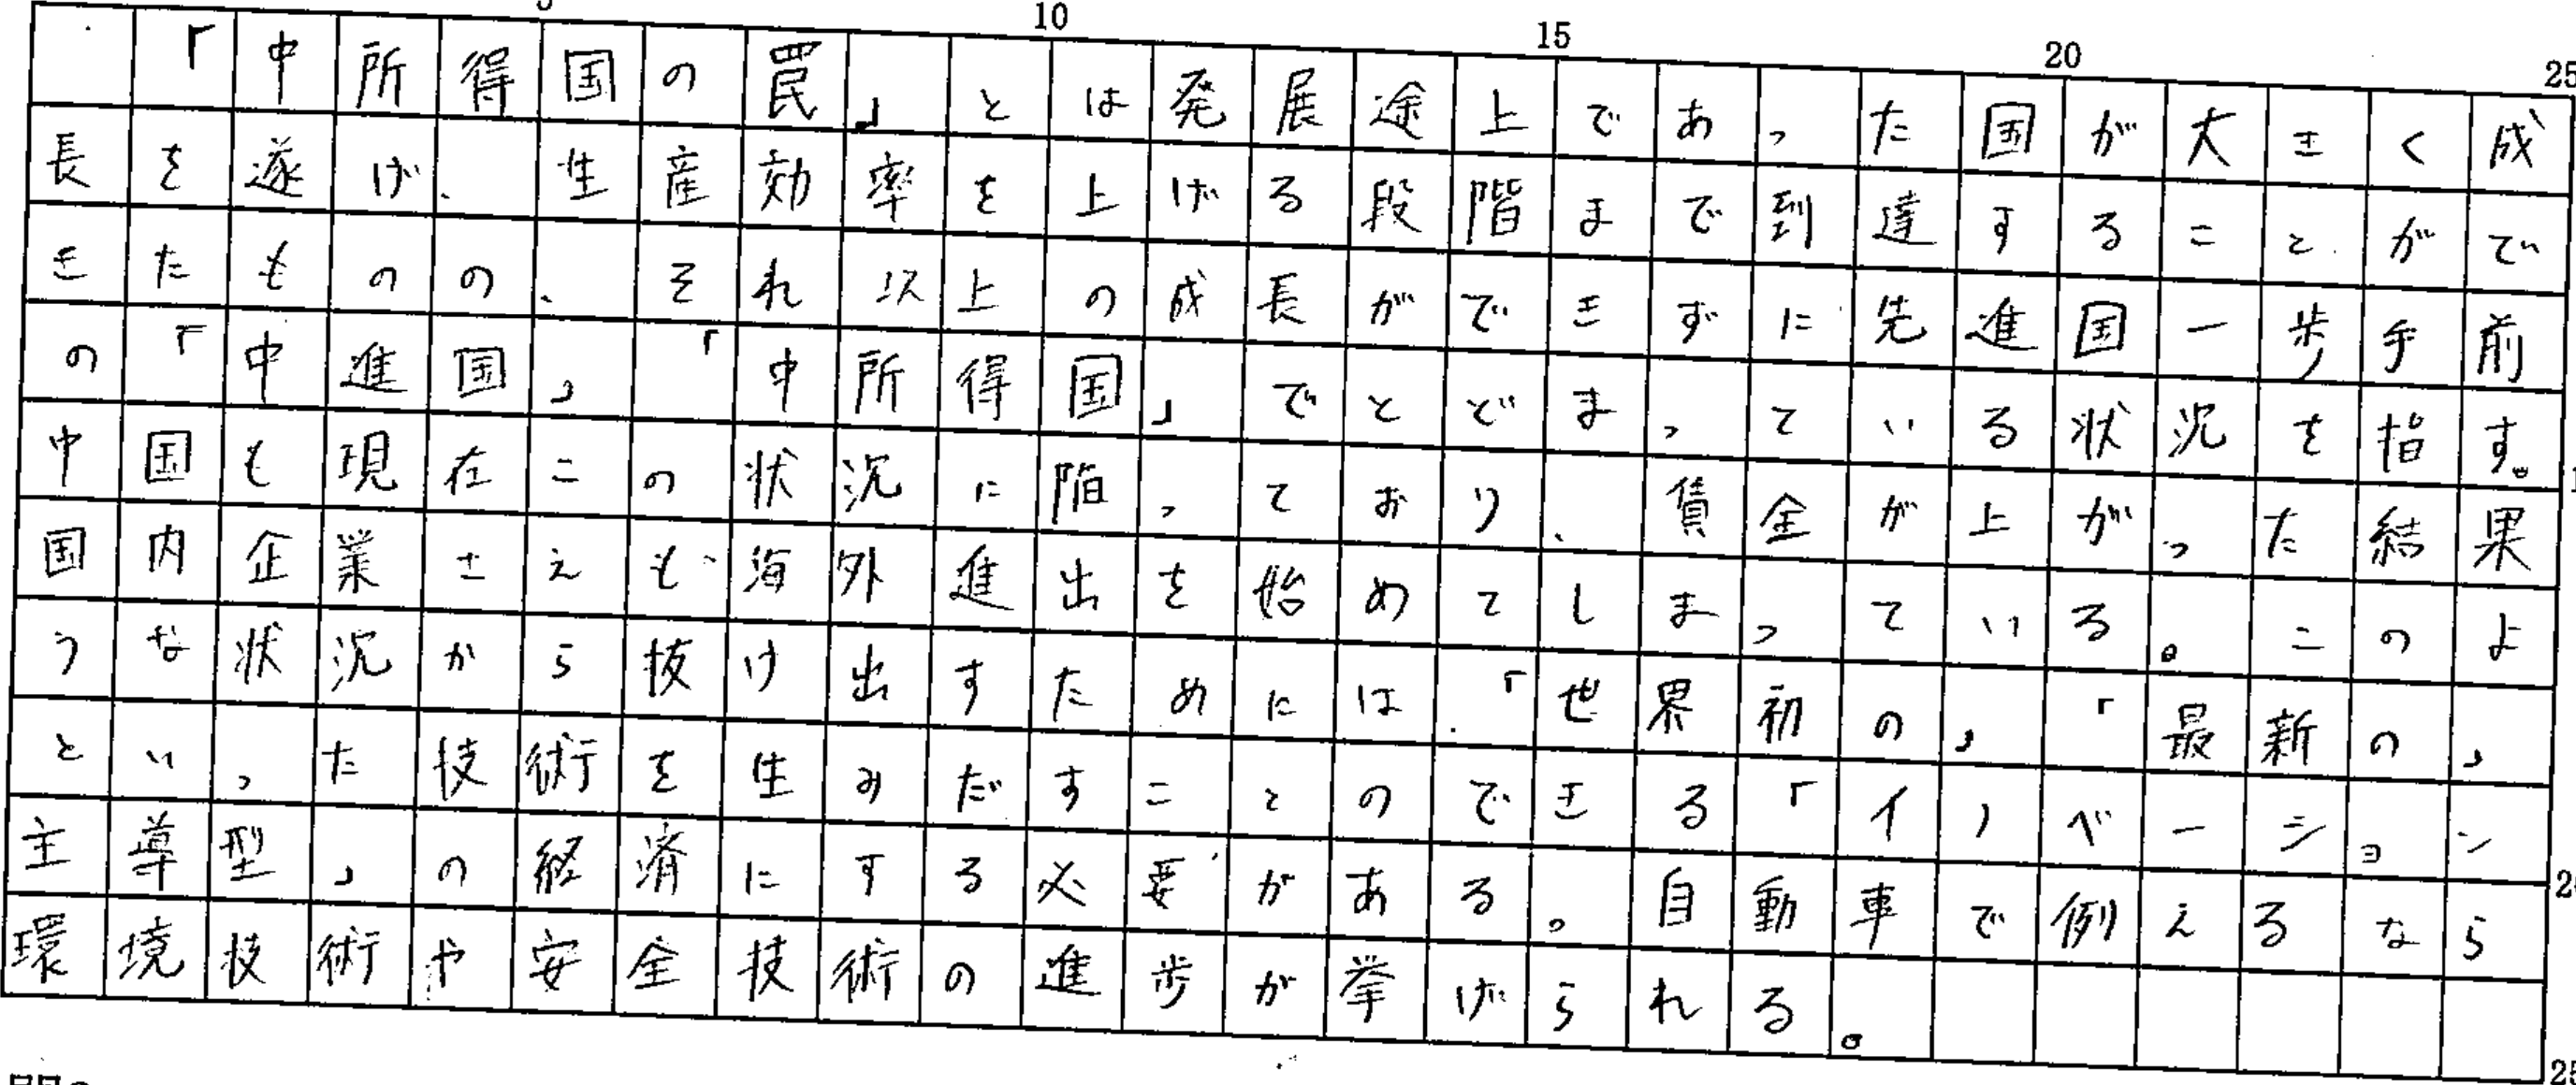　「中所得国の罠」とは発展途上であった国が大きく成長を遂げ、生産効率を上げる段階まで到達することができたものの、それ以上の成長ができずに先進国一歩手前の「中進国」「中所得国」でとどまっている状況を指す。中国も現在この状況に陥っており、賃金が上がった結果国内企業さえも海外進出を始めてしまっている。このような状況から抜け出すためには「世界初の」「最新の」といった技術を生みだすことのできる「イノベーション主導型」の経済にする必要がある。自動車で例えるなら環境技術や安全技術の進歩が挙げられる。
